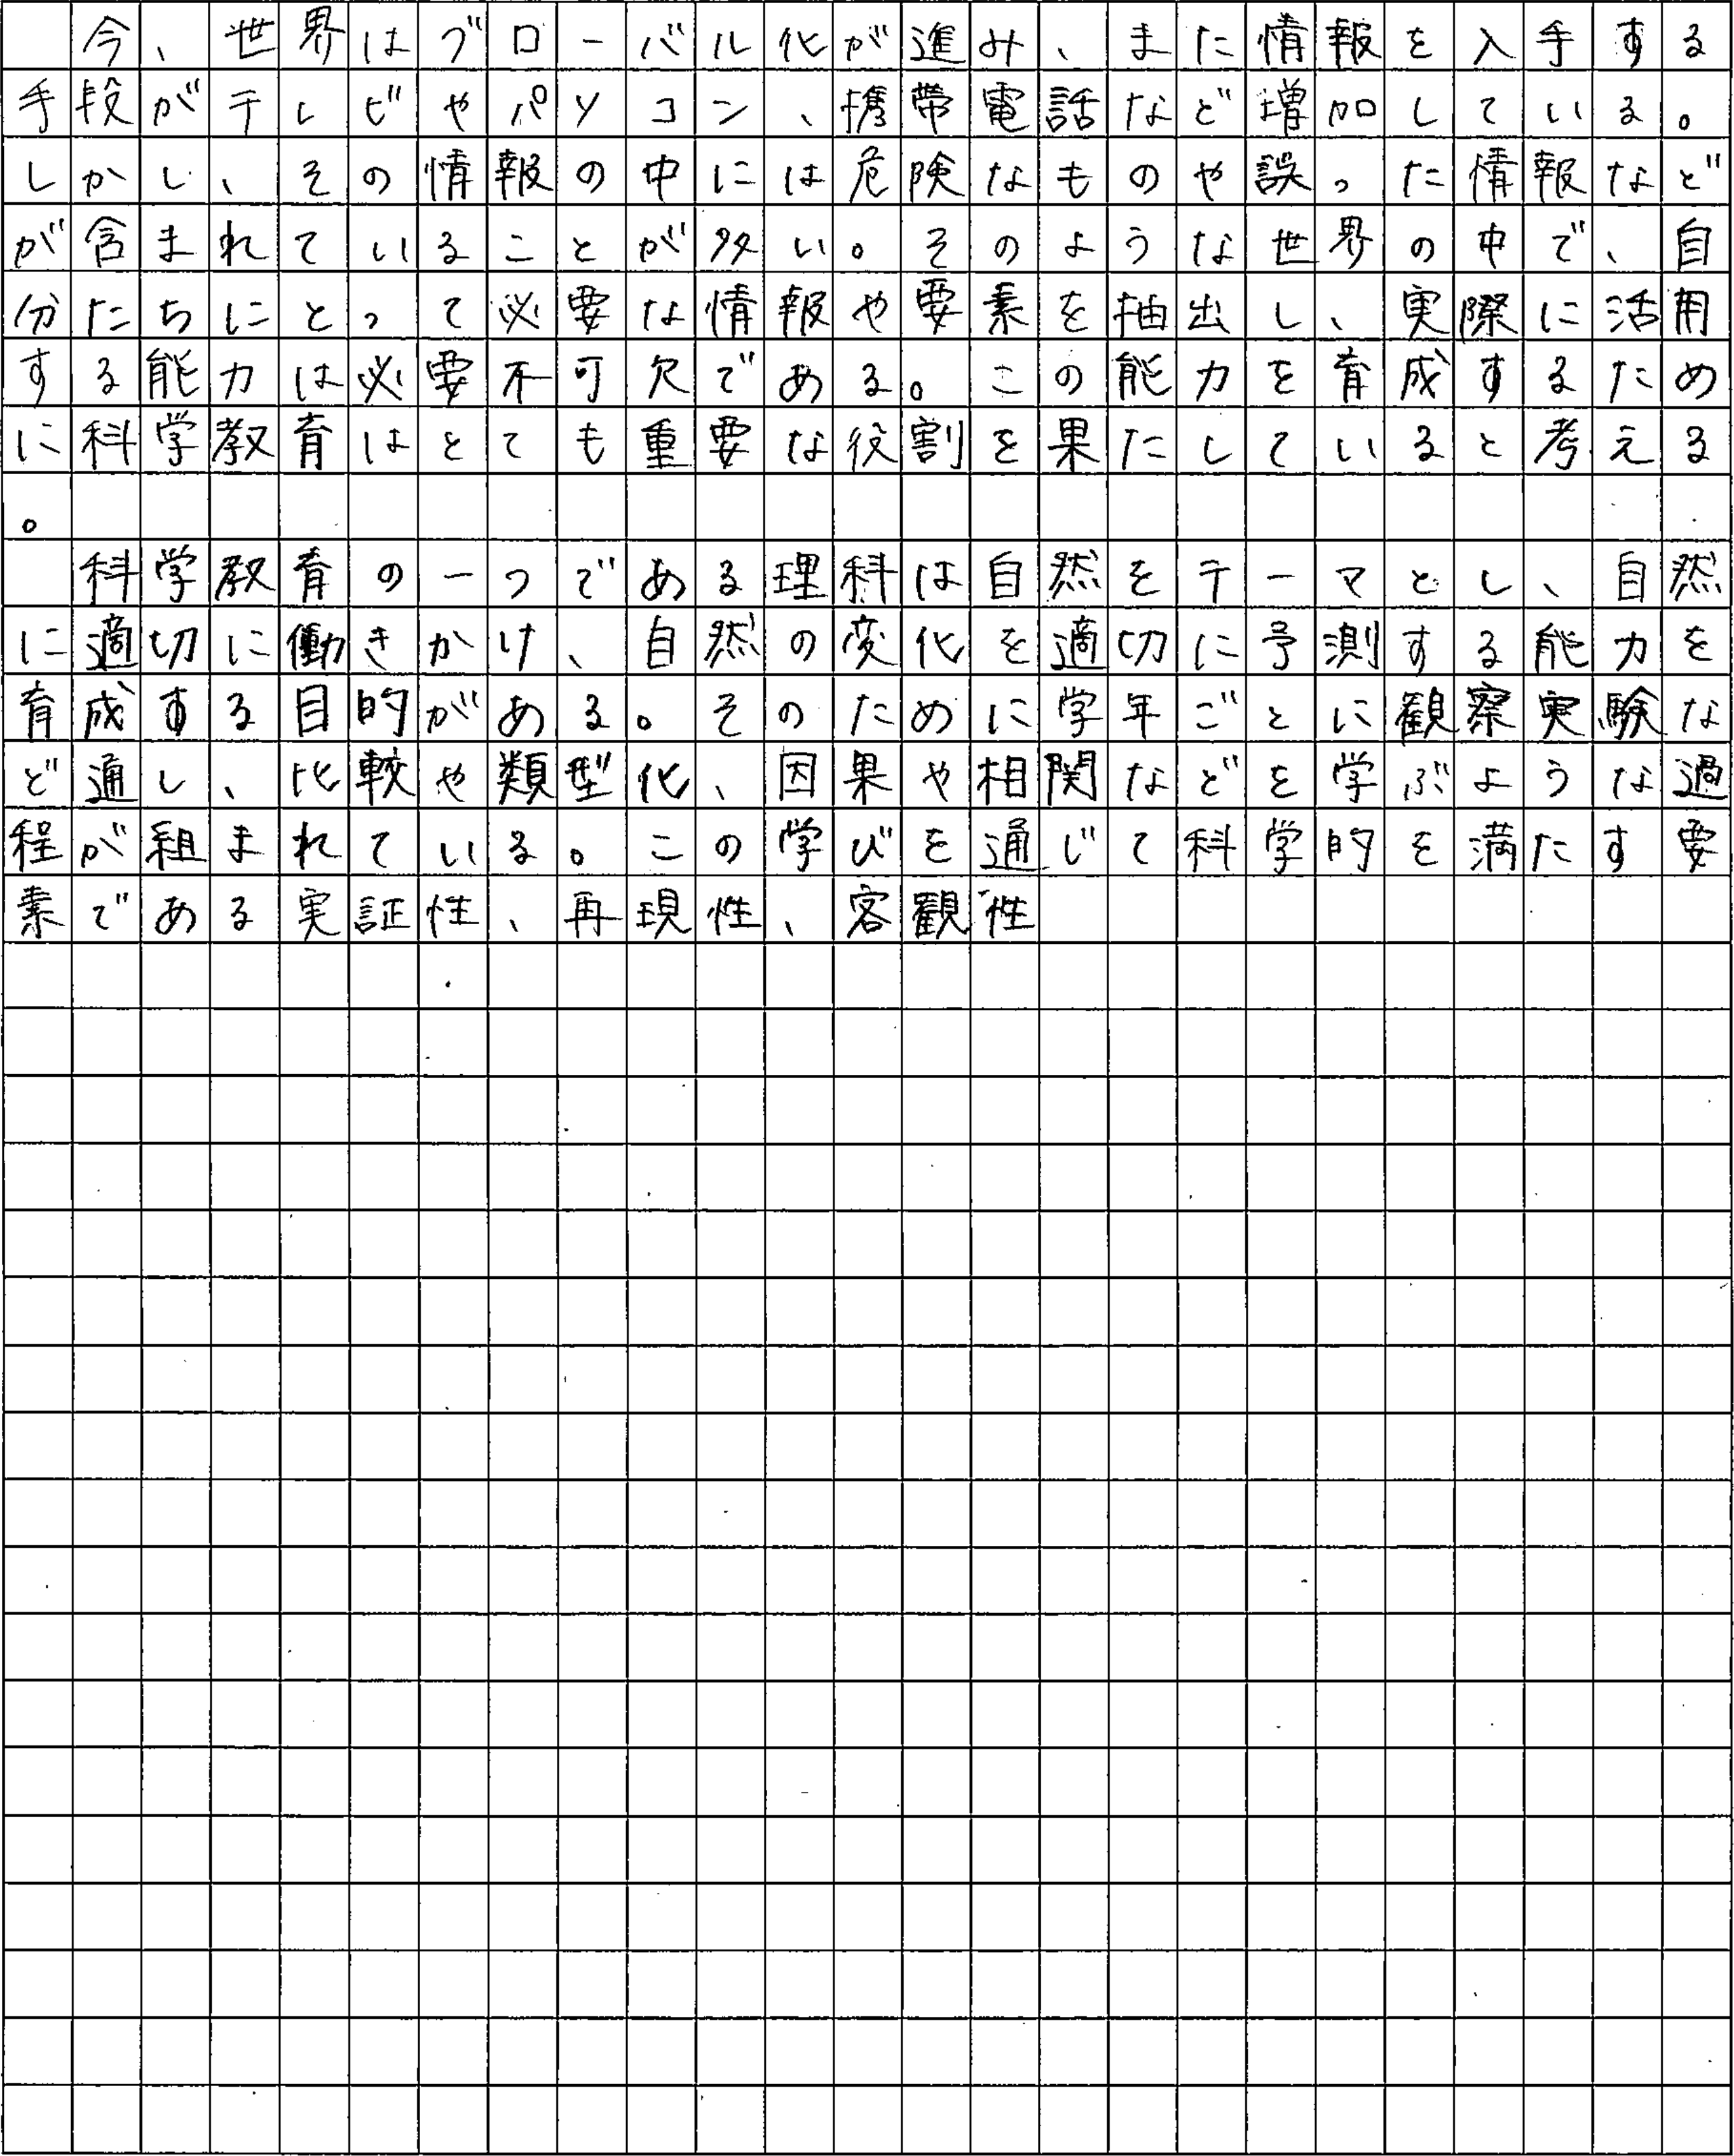　今、世界ではグローバル化が進み、また情報を入手する手段がテレビやパソコン、携帯電話など増加している。しかし、その情報の中には危険なものや誤った情報などが含まれていることが多い。そのような世界の中で、自分たちにとって必要な情報や要素を抽出し、実際に活用する能力は必要不可欠である。この能力を育成するために科学教育はとても重要な役割を果たしていると考える。
　科学教育の一つである理科は自然をテーマとし、自然に適切に働きかけ、自然の変化を適切に予測する能力を育成する目的がある。そのために学年ごとに観察実験などを通し、比較や類型化、因果や相関などを学ぶような過程が組まれている。この学びを通じて科学的を満たす要素である実証性、再現性、客観性
